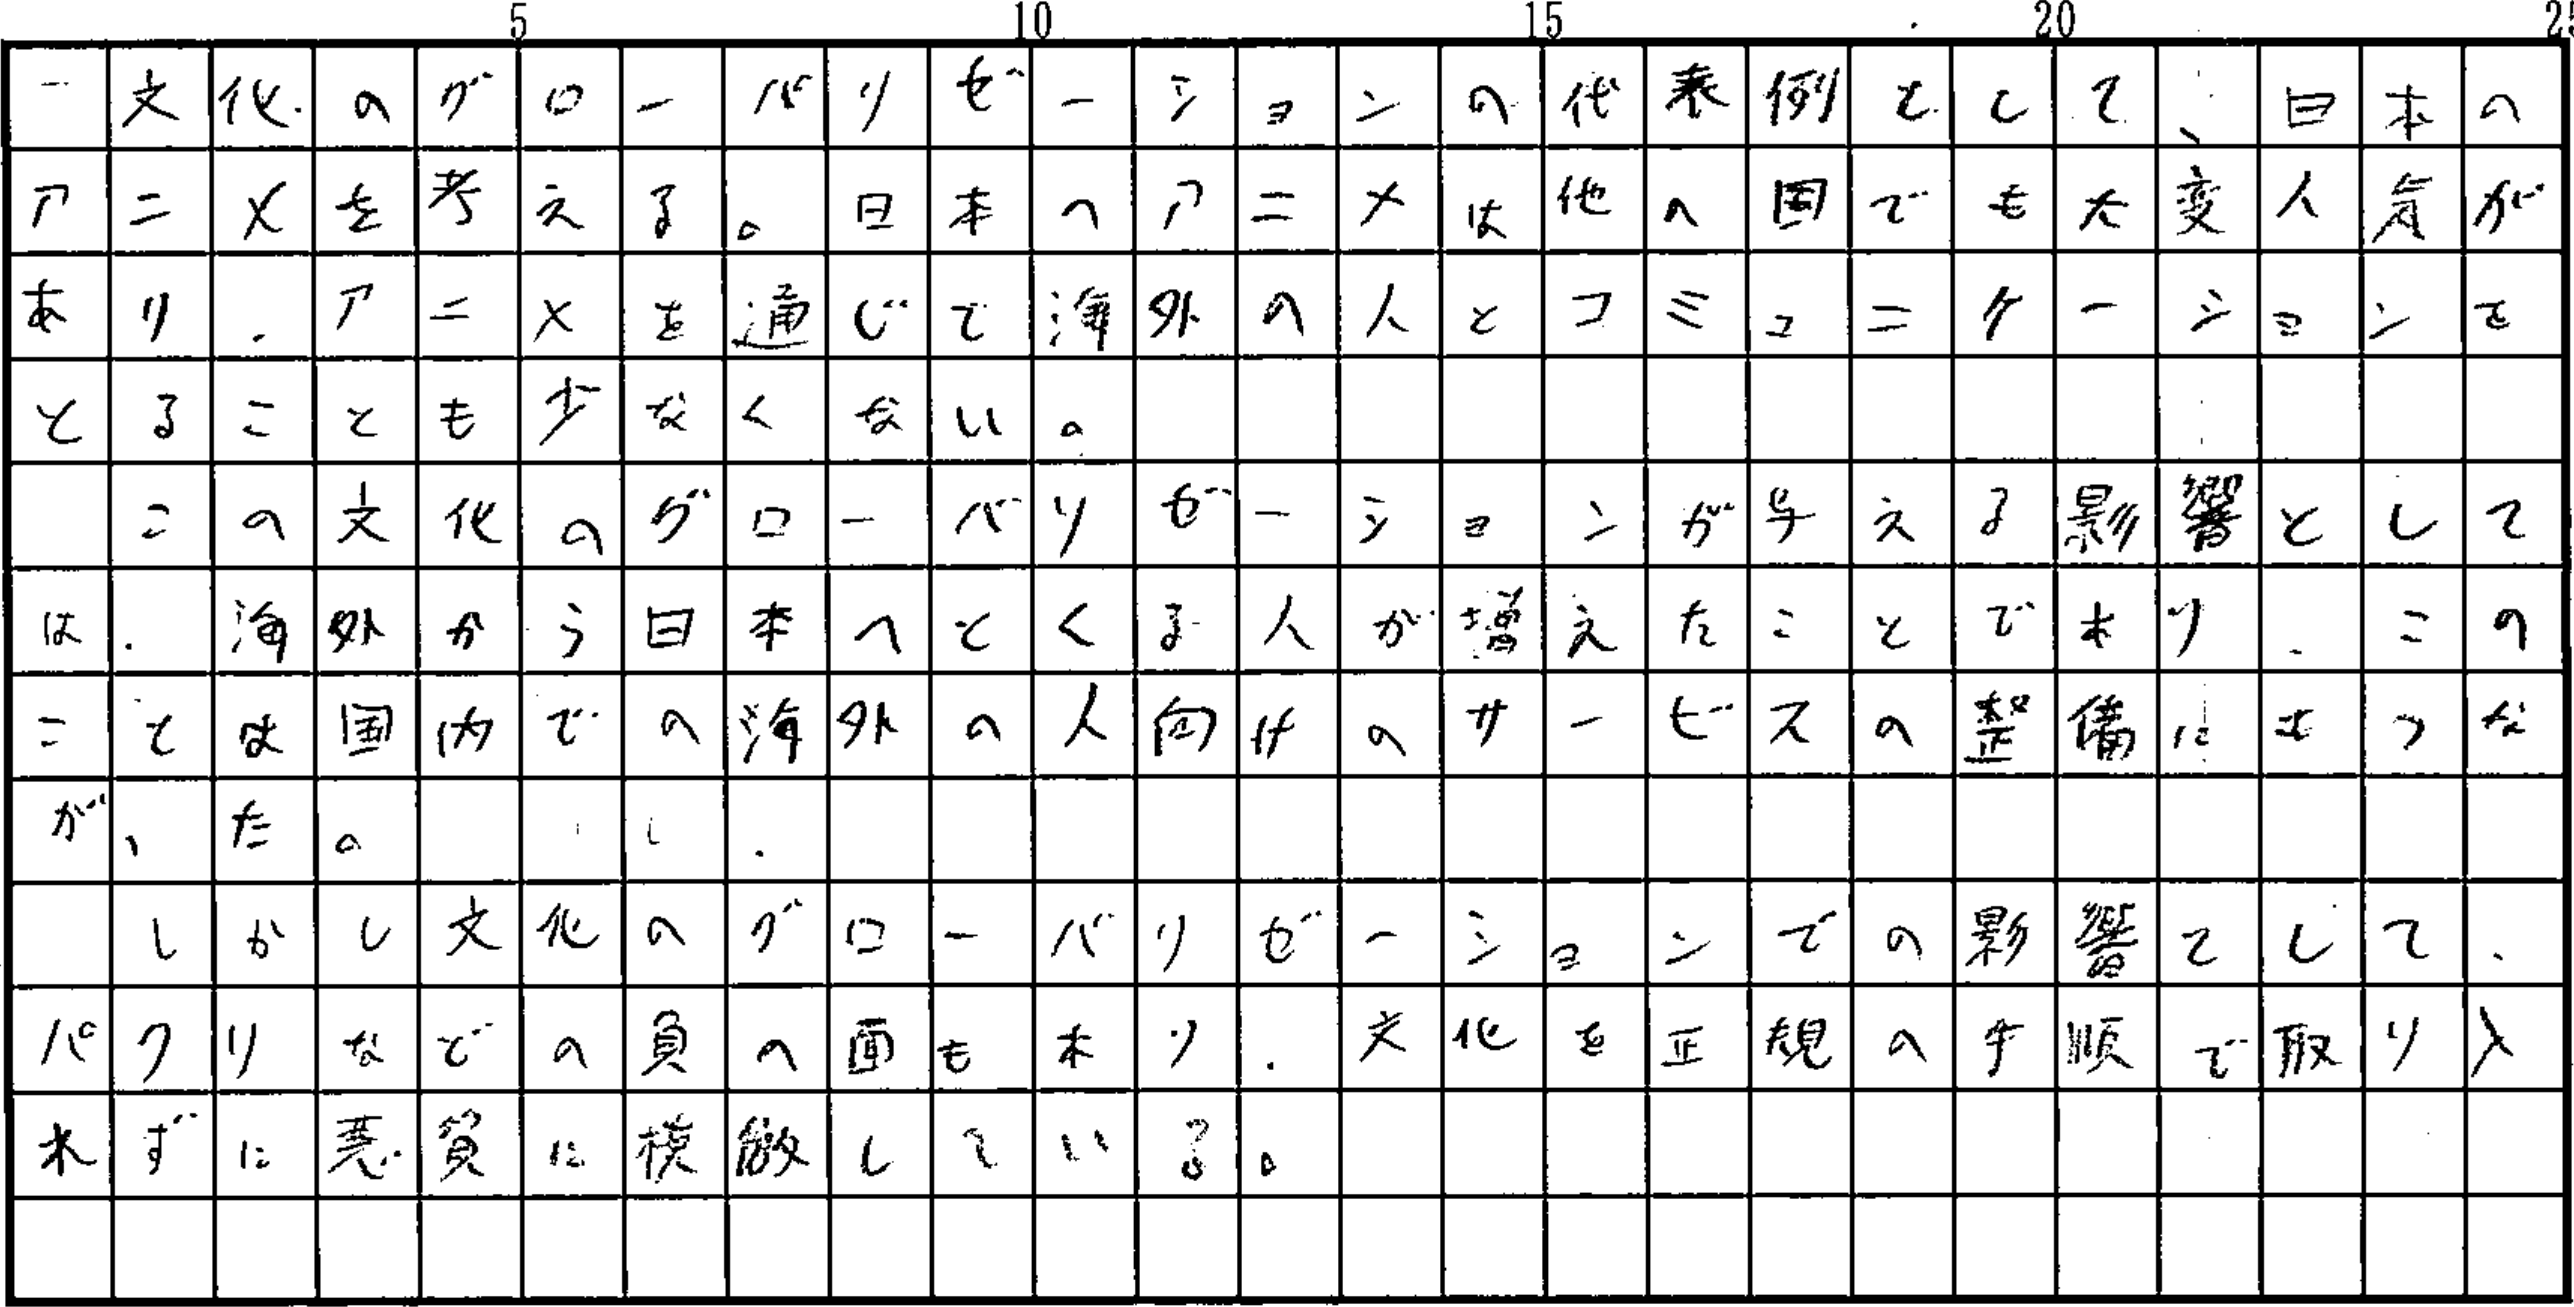　文化のグローバリゼーションの代表例として、日本のアニメを考える。日本のアニメは他の国でも大変人気があり、アニメを通じて海外の人とコミュニケーションをとることも少なくない。
　この文化のグローバリゼーションが与える影響としては、海外から日本へとくる人が増えたことであり、このことは国内での海外の人向けのサービスの整備にもつながった。
　しかし文化のグローバリゼーションでの影響として、パクリなどの負の面もあり、文化を正規の手順で取り入れずに悪質に模倣している。
